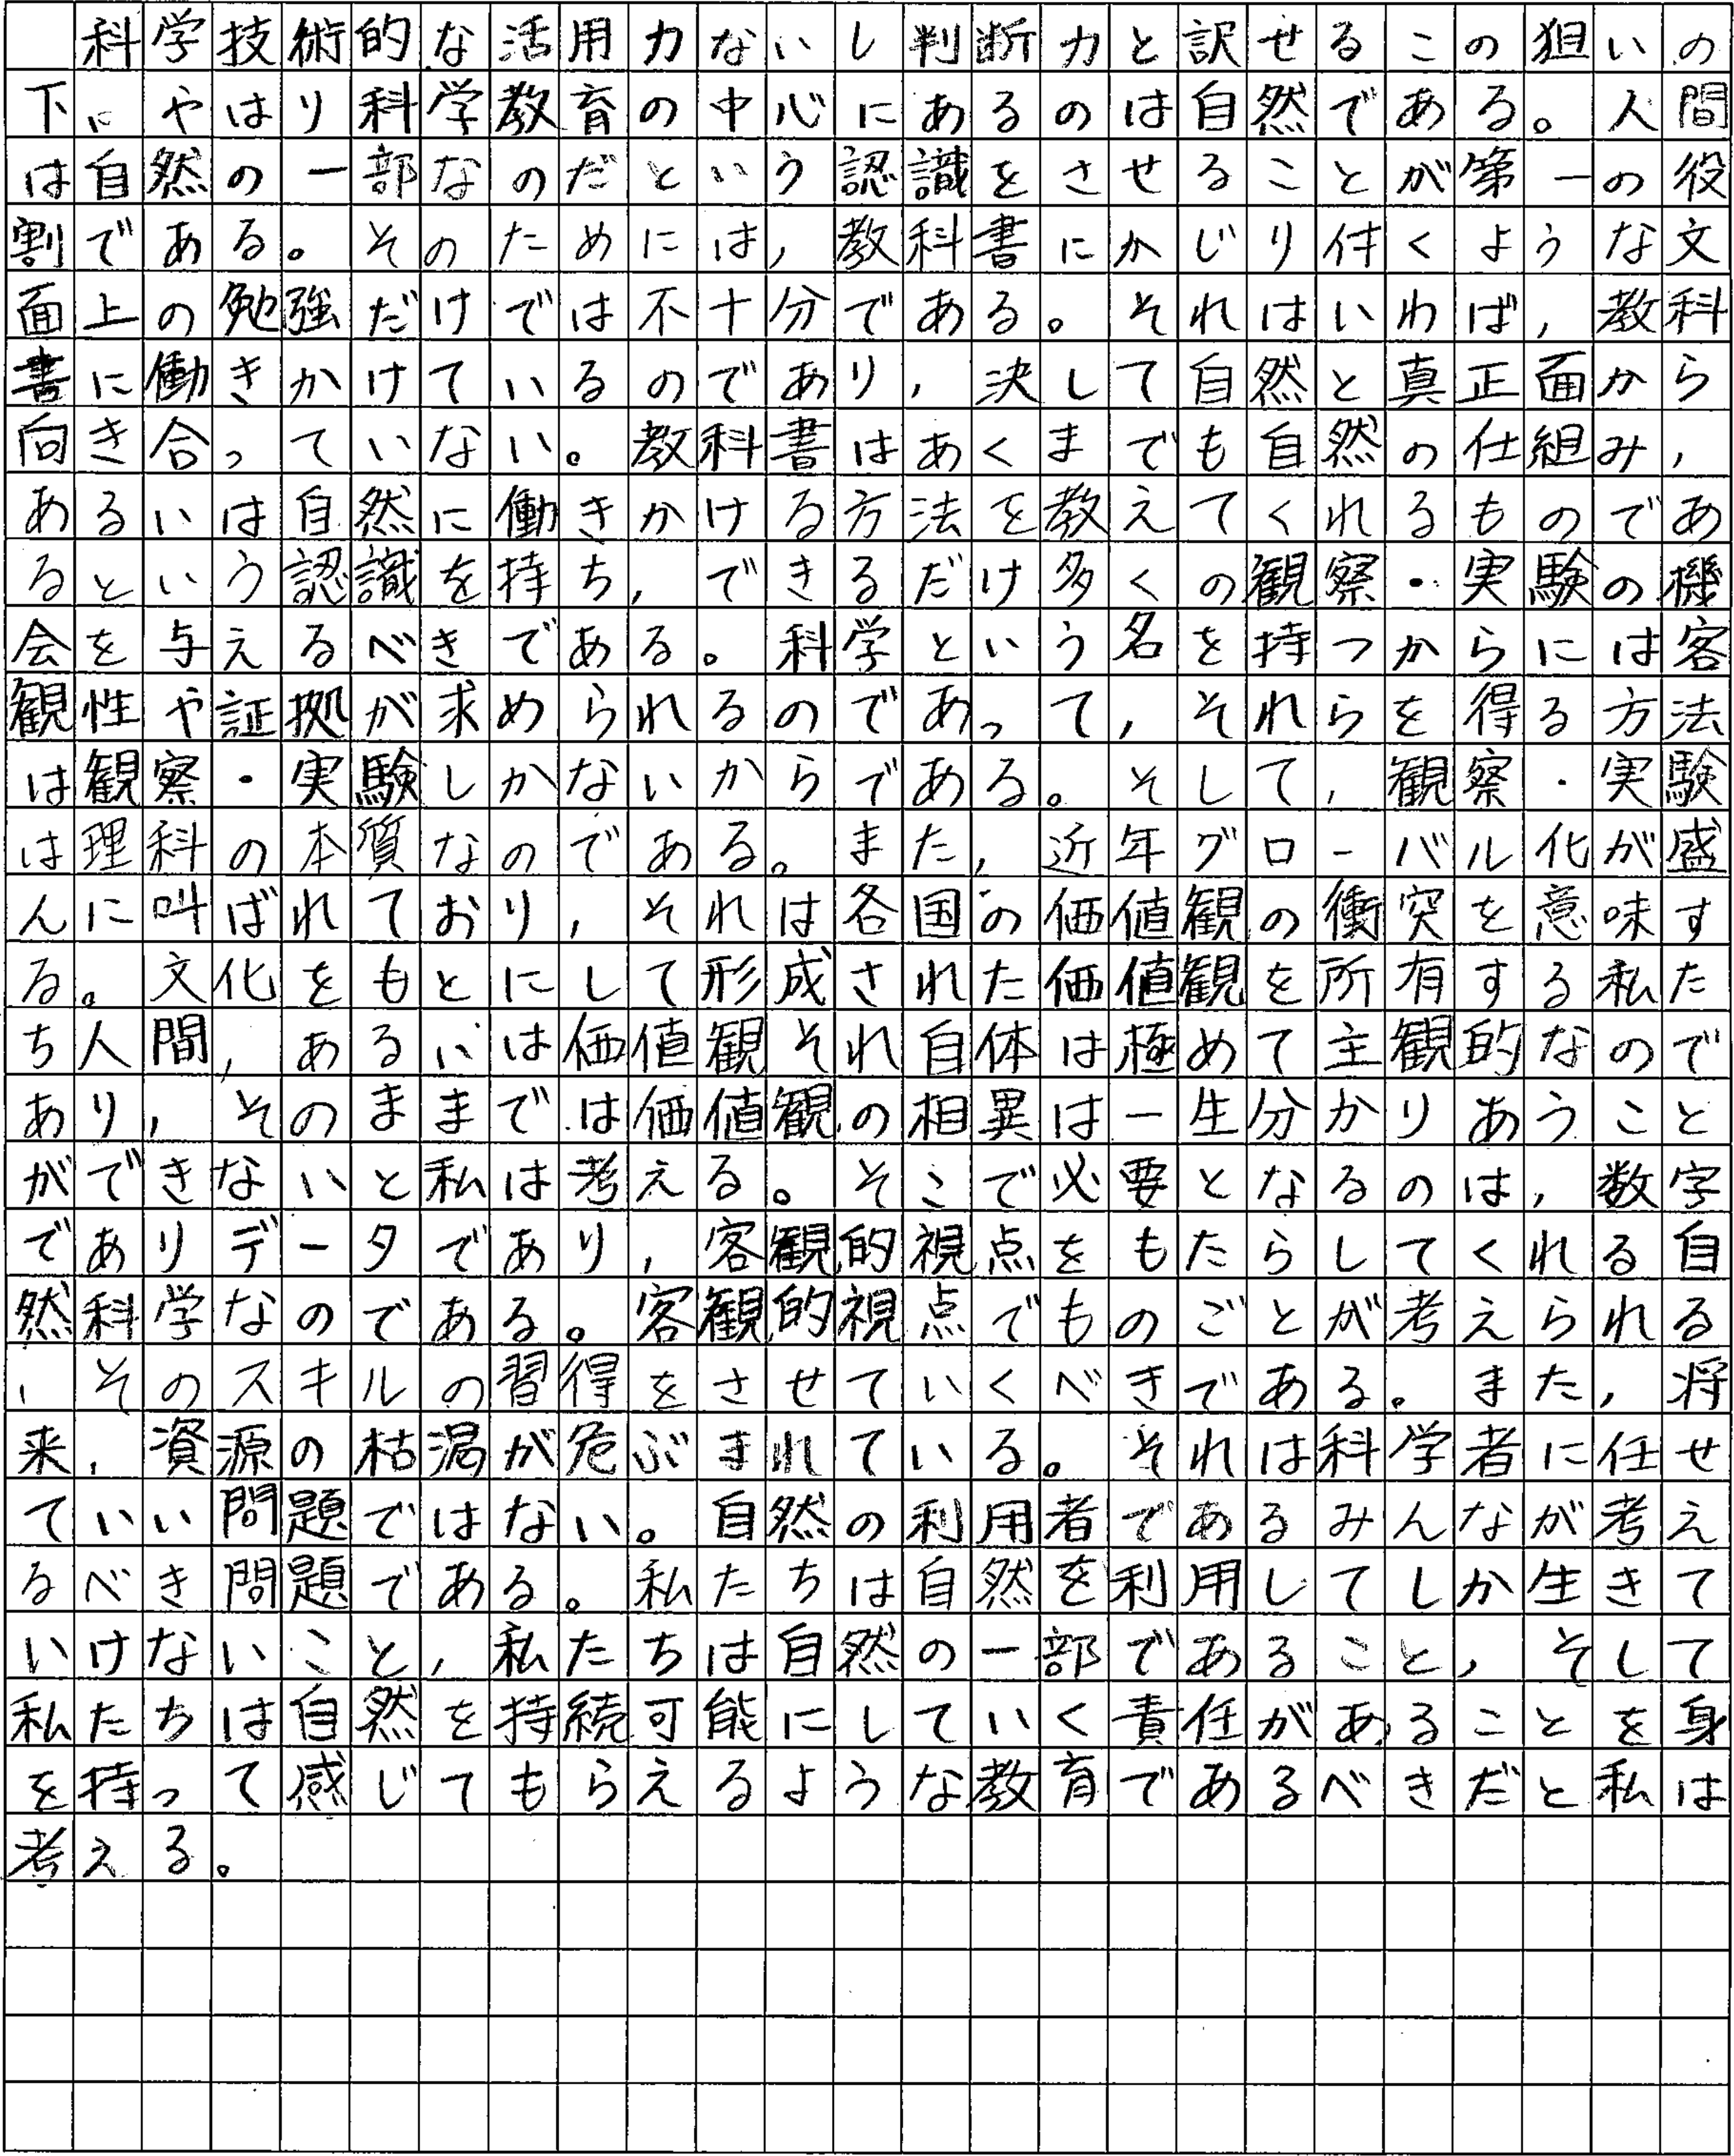　科学技術的な活用力ないし判断力と訳せるこの狙いの下、やはり科学教育の中心にあるのは自然である。人間は自然の一部なのだという認識をさせることが第一の役割である。そのためには，教科書にかじり付くような文面上の勉強だけでは不十分である。それはいわば，教科書に働きかけているのであり，決して自然と真正面から向き合っていない。教科書はあくまでも自然の仕組み，あるいは自然に働きかける方法を教えてくれるものであるという認識を持ち，できるだけ多くの観察・実験の機会を与えるべきである。科学という名を持つからには客観性や証拠が求められるのであって，それらを得る方法は観察・実験しかないからである。そして，観察・実験は理科の本質なのである。また，近年グローバル化が盛んに叫ばれており，それは各国の価値観の衝突を意味する。文化をもとにして形成された価値観を所有する私たち人間，あるいは価値観それ自体は極めて主観的なのであり、そのままでは価値観の相異は一生分かりあうことができないと私は考える。そこで必要となるのは、数字でありデータであり、客観的視点をもたらしてくれる自然科学なのである。客観的視点でものごとを考えられる、そのスキルの習得をさせていくべきである。また、将来、資源の枯渇が危ぶまれている。それは科学者に任せていい問題ではない。自然の利用者であるみんなが考えるべき問題である。私たちは自然を利用してしか生きていけないこと、私たちは自然の一部であること、そして私たちは自然を持続可能にしていく責任があることを身を持って感じてもらえるような教育であるべきだと私は考える。
